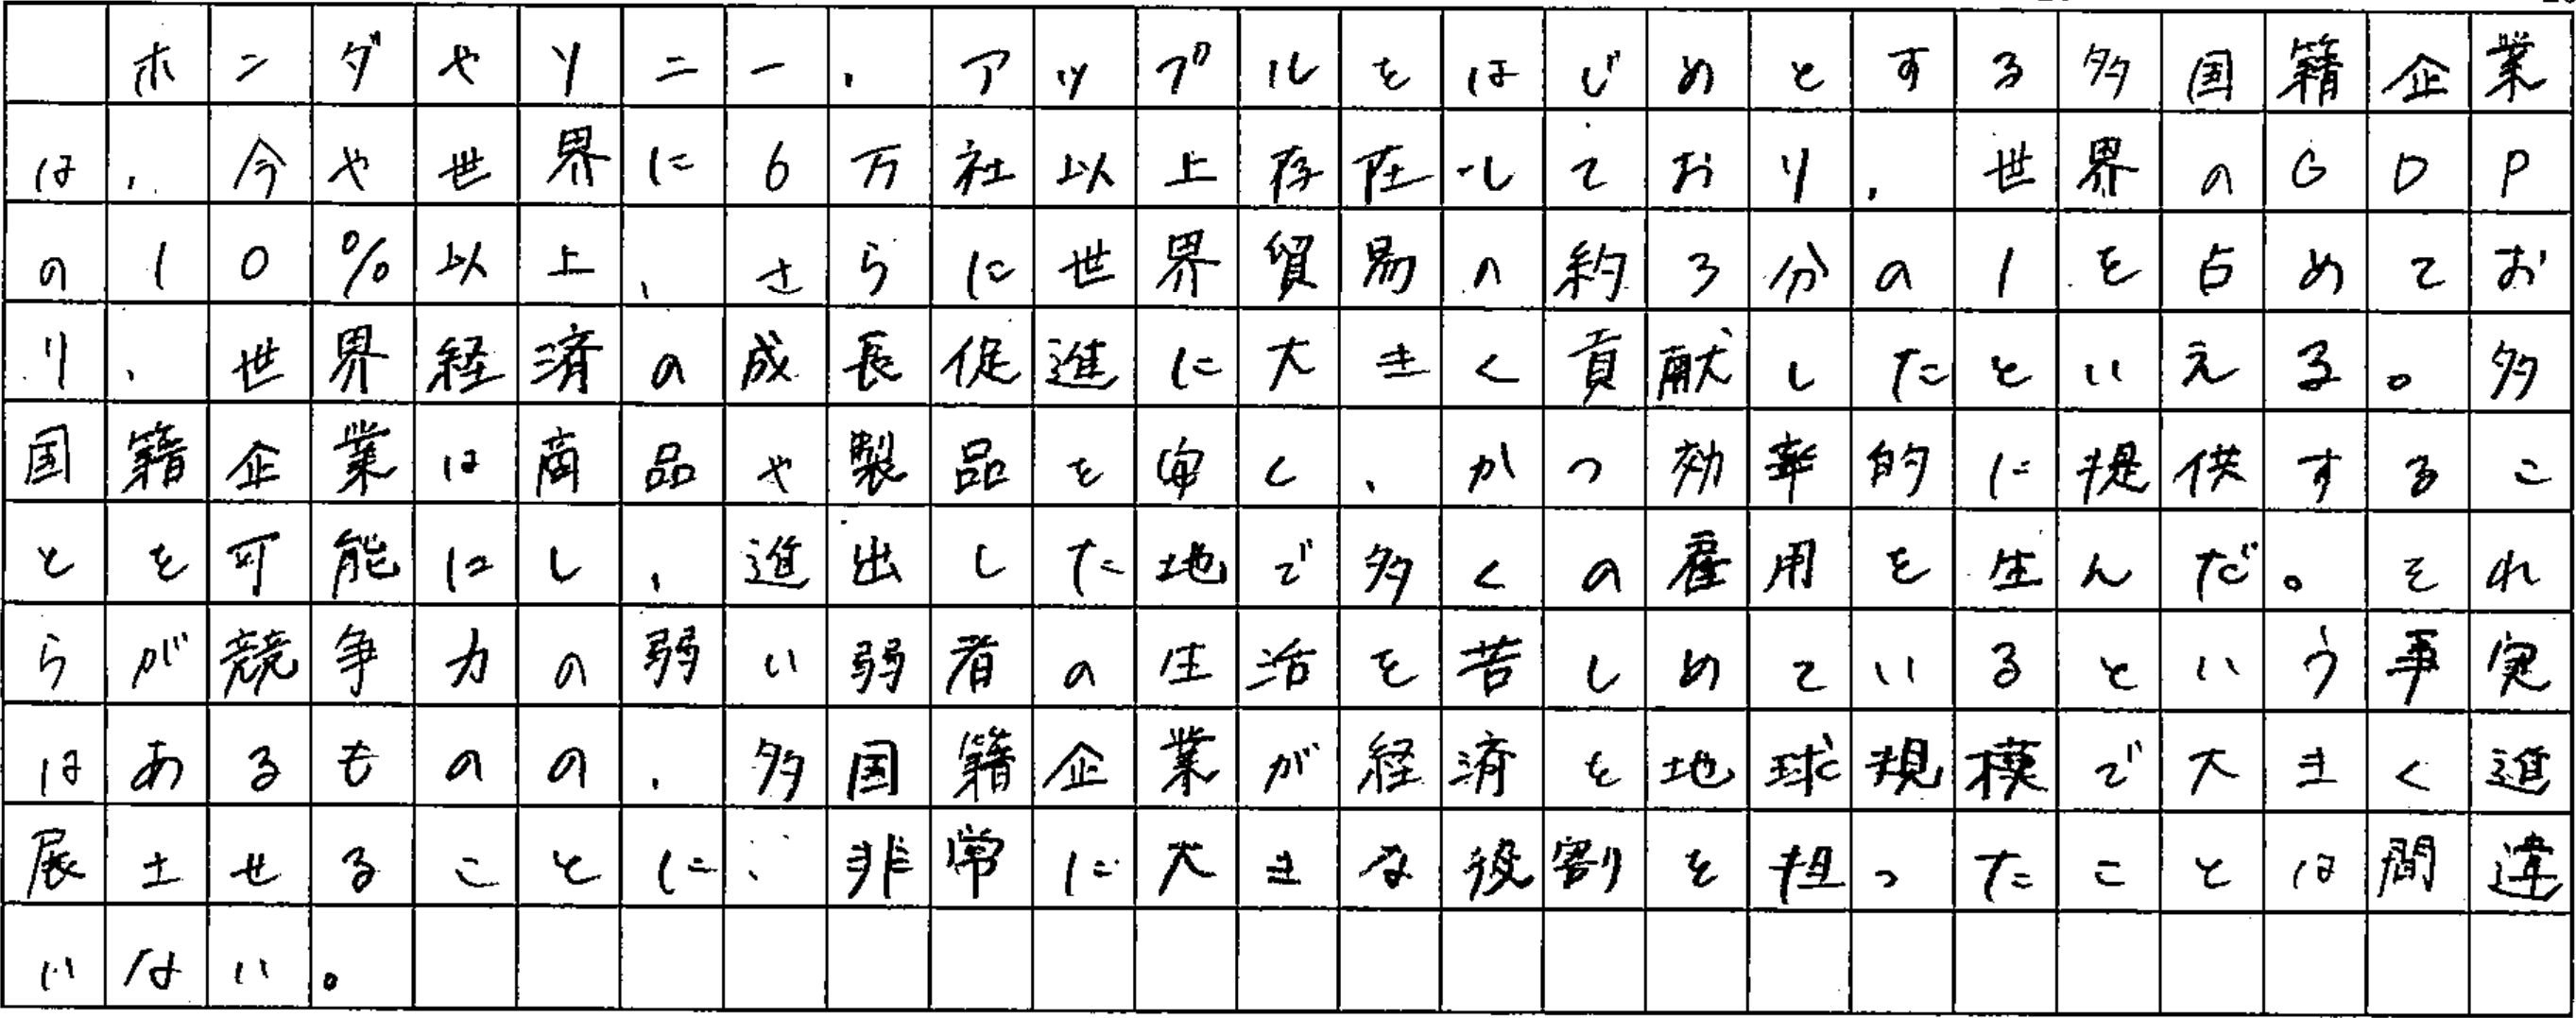　ホンダやソニー、アップルをはじめとする多国籍企業は、今や世界に６万社以上存在しており、世界のＧＤＰの１０％以上、さらに世界貿易の約３分の１を占めており、世界経済の成長促進に大きく貢献したといえる。多国籍企業は商品や製品を安く、かつ効率的に提供することを可能にし、進出した地で多くの雇用を生んだ。それらが競争力の弱い弱者の生活を苦しめているという事実はあるものの、多国籍企業が経済を地球規模で大きく進展させることに、非常に大きな役割を担ったことは間違いない。
